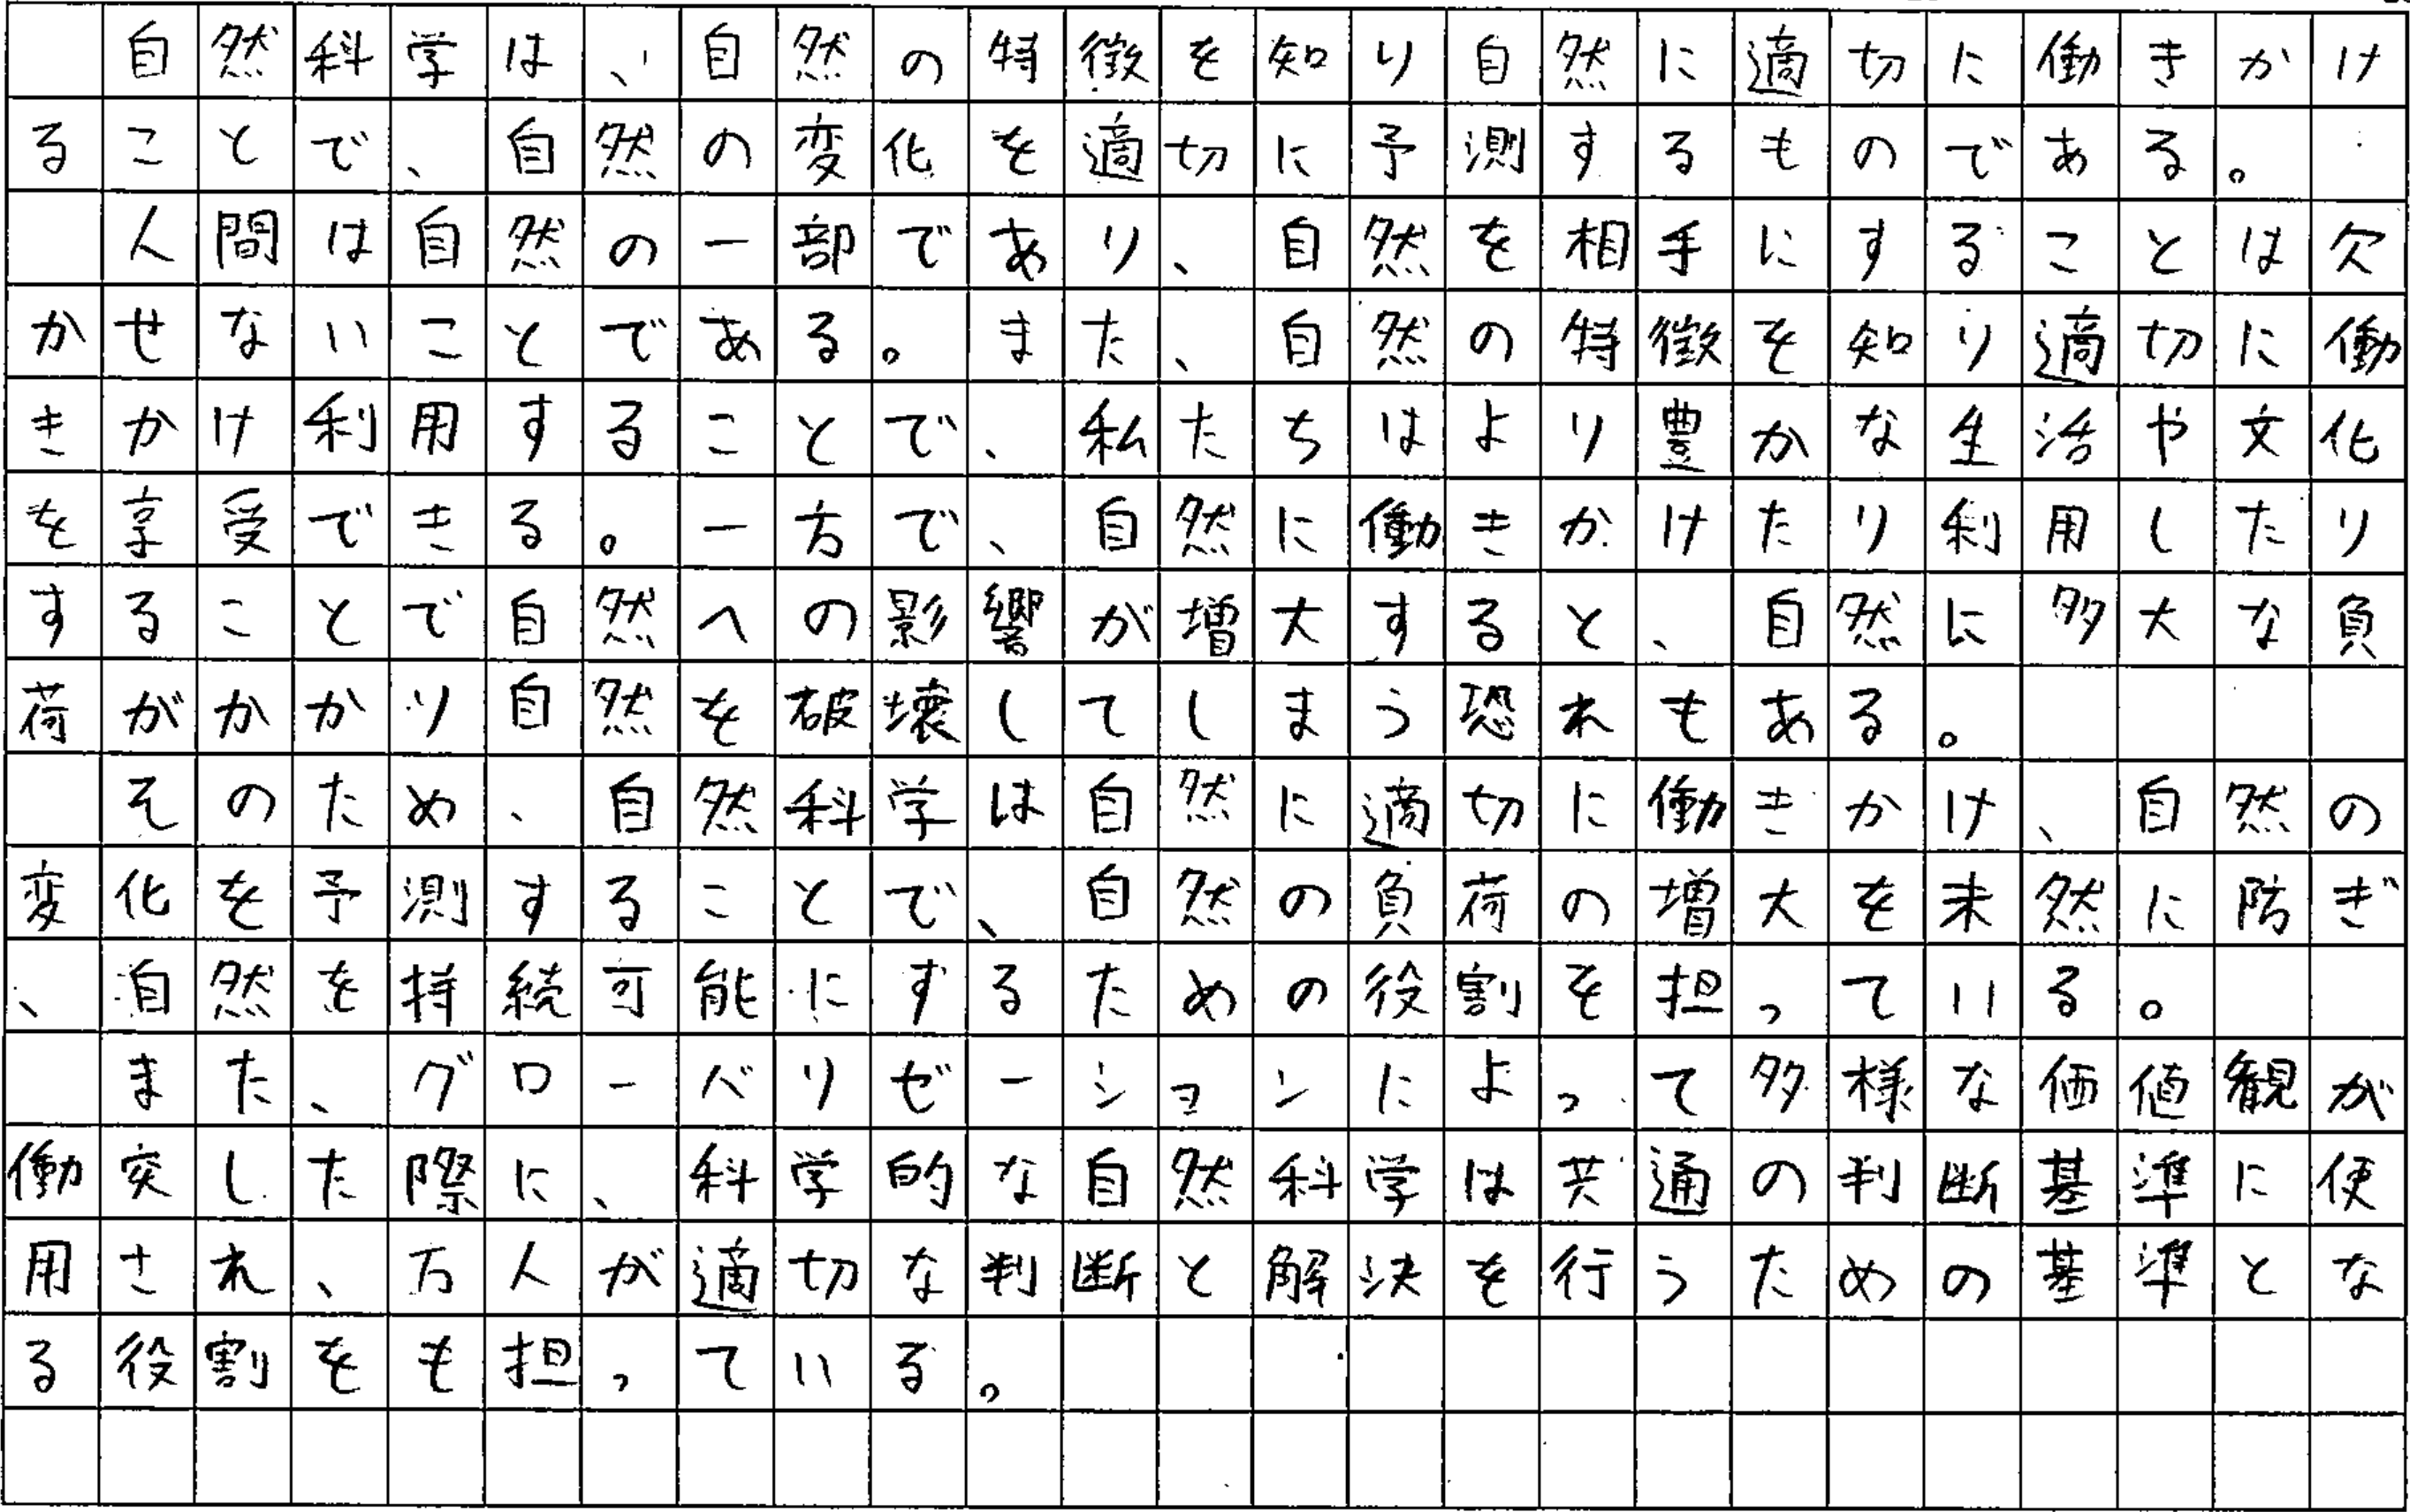　自然科学は、自然の特徴を知り自然に適切に働きかけることで、自然の変化を適切に予測するものである。
　人間は自然の一部であり、自然を相手にすることは欠かせないことである。また、自然の特徴を知り適切に働きかけ利用することで、私たちはより豊かな生活や文化を享受できる。一方で、自然に働きかけたり利用したりすることで自然への影響が増大すると、自然に多大な負荷がかかり自然を破壊してしまう恐れもある。
　そのため、自然科学は自然に適切に働きかけ、自然の変化を予測することで、自然の負荷の増大を未然に防ぎ、自然を持続可能にするための役割を担っている。
　また、グローバリゼーションによって多様な価値観が働突したさいに、科学的な自然科学は共通の判断基準に使用され、万人が適切な判断と解決を行うための基準となる役割をも担っている。
